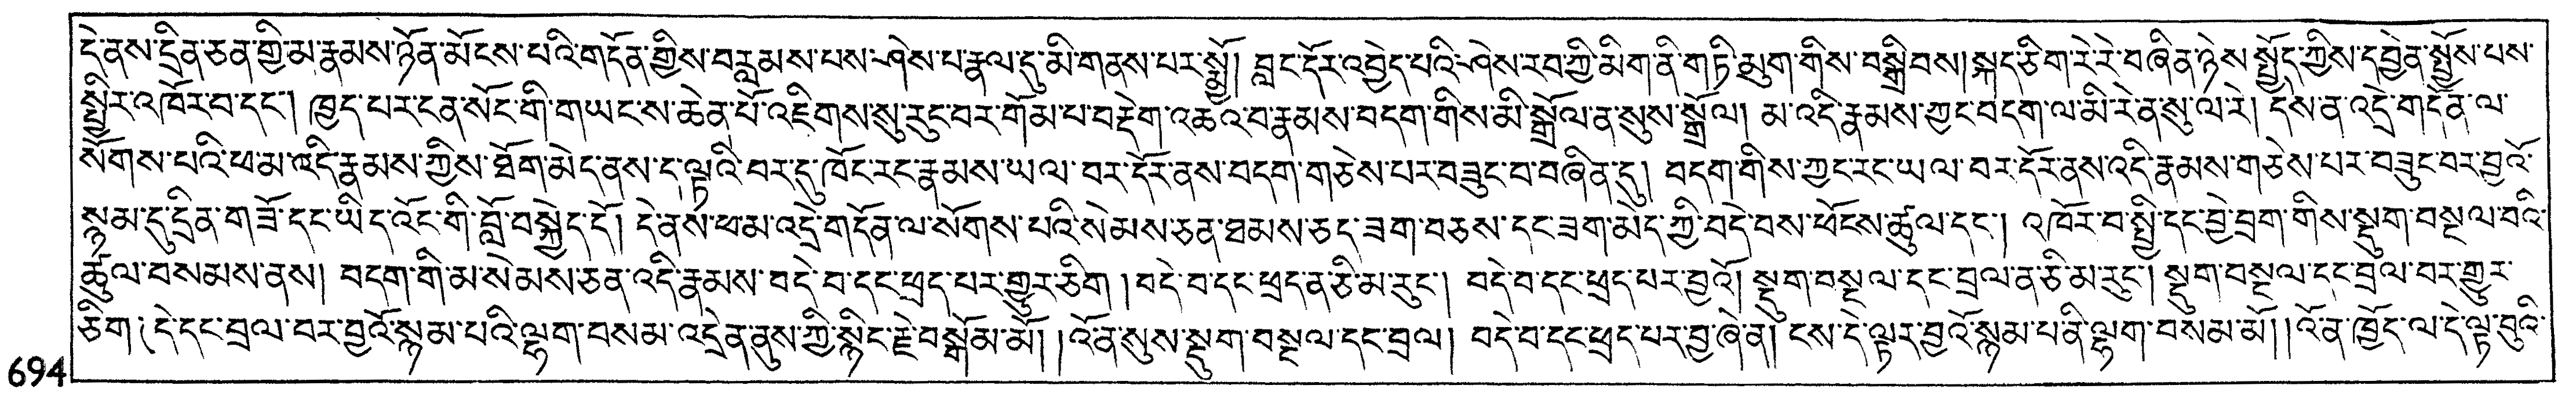དེ་ནས་དྲིན་ཅན་གྱི་མ་རྣམས་ཉོན་མོངས་པའི་གདོན་གྱིས་བརླམས་པས་ཤེས་པ་རྣལ་དུ་མི་གནས་པར་སྨྱོ། བླང་དོར་འབྱེད་པའི་ཤེས་རབ་ཀྱི་མིག་ནི་གཏི་མུག་གིས་བསྒྲིབས། སྐད་ཅིག་རེ་རེ་བཞིན་ཉེས་སྤྱོད་ཀྱིས་དབྱེན་སྤྱོས་པས་
སྤྱིར་འཁོར་བ་དང་། ཁྱད་པར་ངན་སོང་གི་གཡང་ས་ཆེན་པོ་འཇིགས་སུ་རུང་བར་གོམ་པ་བརྡེག་འཆའ་བ་རྣམས་བདག་གིས་མི་སྒྲོལ་ན་སུས་སྒྲོལ། མ་འདི་རྣམས་ཀྱང་བདག་ལ་མི་རེ་ན་སུ་ལ་རེ། དེས་ན་འདྲེ་གདོན་ལ་
སོགས་པའི་ཕ་མ་འདི་རྣམས་ཀྱིས་ཐོག་མེད་ནས་ད་ལྟའི་བར་དུ་ཁོང་རང་རྣམས་ཡལ་བར་དོར་ནས་བདག་གཅེས་པར་བཟུང་བ་བཞིན་དུ། བདག་གིས་ཀྱང་རང་ཡལ་བར་དོར་ནས་འདི་རྣམས་གཅེས་པར་བཟུང་བར་བྱའོ་
སྙམ་དུ་དྲིན་གཟོ་དང་ཡིད་འོང་གི་བློ་བསྐྱེད་དོ། དེ་ནས་ཕ་མ་འདྲེ་གདོན་ལ་སོགས་པའི་སེམས་ཅན་ཐམས་ཅད་ཟག་བཅས་དང་ཟག་མེད་ཀྱི་བདེ་བས་ཕོངས་ཚུལ་དང་། འཁོར་བ་སྤྱི་དང་བྱེ་བྲག་གིས་སྡུག་བསྔལ་བའི་
ཚུལ་བསམས་ནས། བདག་གི་མ་སེམས་ཅན་འདི་རྣམས་བདེ་བ་དང་ཕྲད་པར་གྱུར་ཅིག །བདེ་བ་དང་ཕྲད་ན་ཅི་མ་རུང་། བདེ་བ་དང་ཕྲད་པར་བྱའོ། སྡུག་བསྔལ་དང་བྲལ་ན་ཅི་མ་རུང་། སྡུག་བསྔལ་དང་བྲལ་བར་གྱུར་
ཅིག ༑དེ་དང་བྲལ་བར་བྱའོ་སྙམ་པའི་ལྷག་བསམ་འདྲེན་ནུས་ཀྱི་སྙིང་རྗེ་བསྒོམ་མོ། །འོ་ན་སུས་སྡུག་བསྔལ་དང་བྲལ། བདེ་བ་དང་ཕྲད་པར་བྱ་ཞེ་ན། ངས་དེ་ལྟར་བྱའོ་སྙམ་པ་ནི་ལྷག་བསམ་མོ། །འོ་ན་ཁྱོད་ལ་དེ་ལྟ་བུའི་